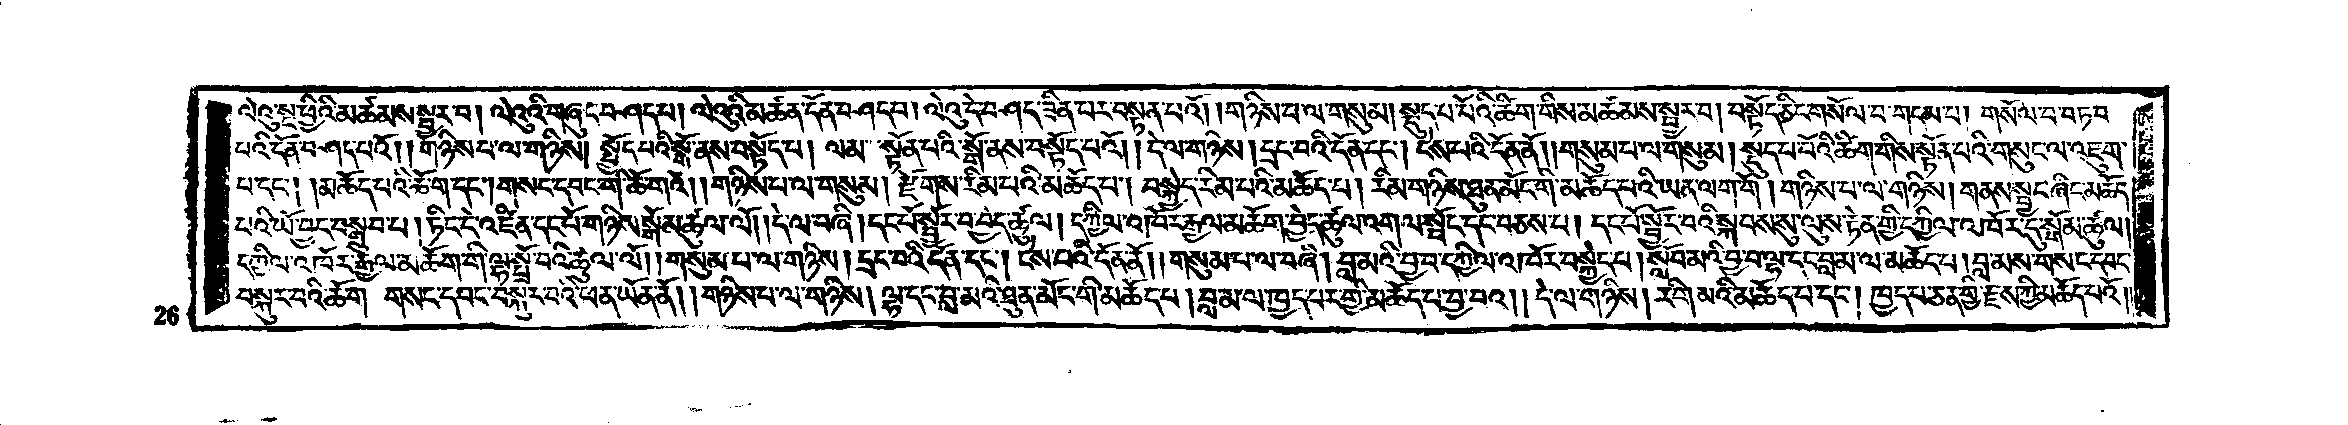ལེའུ་སྔ་ཕྱིའི་མཚམས་སྦྱར་བ། ལེའུའི་གཞུང་བཤད་པ། ལེའུའི་མཚན་དོན་བཤད་པ། ལེའུ་དེ་བཤད་ཟིན་པར་བསྟན་པའོ། །གཉིས་པ་ལ་གསུམ། སྡུད་པ་པོའི་ཚིག་གིས་མཚམས་སྦྱར་བ། བསྟོད་ཅིང་གསོལ་བ་གདབ་པ། གསོལ་བ་བཏབ་
པའི་དོན་བཤད་པའོ། །གཉིས་པ་ལ་གཉིས། སྤྱོད་པའི་སྒོ་ནས་བསྟོད་པ། ལམ་སྟོན་པའི་སྒོ་ནས་བསྟོད་པའོ། །དེ་ལ་གཉིས། དྲང་བའི་དོན་དང་། ངེས་པའི་དོན་ནོ། །གསུམ་པ་ལ་གསུམ། སྡུད་པ་པོའི་ཚིག་གིས་སྟོན་པའི་གསུང་ལ་འཇུག་
པ་དང་། མཆོད་པའི་ཆོ་ག་དང་། གསང་དབང་གི་ཆོ་གའོ། །གཉིས་པ་ལ་གསུམ། རྫོགས་རིམ་པའི་མཆོད་པ། བསྐྱེད་རིམ་པའི་མཆོད་པ། རིམ་གཉིས་ཐུན་མོང་གི་མཆོད་པའི་ཡན་ལག་གོ །གཉིས་པ་ལ་གཉིས། གནས་སྦྱང་ཞིང་མཆོད་
པའི་ཡོ་བྱད་བསྒྲུབ་པ། ཏིང་ངེ་འཛིན་དང་པོ་གཉིས་སྒོམ་ཚུལ་ལོ། །དེ་ལ་བཞི། དང་པོ་སྦྱོར་བ་བྱེད་ཚུལ། དཀྱིལ་འཁོར་རྒྱལ་མཆོག་བྱེད་ཚུལ་འགལ་སྤོང་དང་བཅས་པ། དང་པོ་སྦྱོར་བའི་སྐབས་སུ་ལུས་རྟེན་གྱི་དཀྱིལ་འཁོར་དུ་སྒོམ་ཚུལ།
དཀྱིལ་འཁོར་རྒྱལ་མཆོག་གི་ལྷ་སྤྲོ་བའི་ཚུལ་ལོ། །གསུམ་པ་ལ་གཉིས། དྲང་བའི་དོན་དང་། ངེས་པའི་དོན་ནོ། །གསུམ་པ་ལ་བཞི། བླ་མའི་བྱ་བ་དཀྱིལ་འཁོར་བསྐྱེད་པ། སློབ་མའི་བྱ་བ་ལྷ་དང་བླ་མ་ལ་མཆོད་པ། བླ་མས་གསང་དབང་
བསྐུར་བའི་ཆོ་ག་གསང་དབང་བསྐུར་བའི་ཕན་ཡོན་ནོ། །གཉིས་པ་ལ་གཉིས། ལྷ་དང་བླ་མའི་ཐུན་མོང་གི་མཆོད་པ། བླ་མ་ལ་ཁྱད་པར་གྱི་མཆོད་པ་བྱ་བའི། །དེ་ལ་གཉིས། རིག་མའི་མཆོད་པ་དང་། ཁྱད་པ་ཅན་གྱི་རྫས་ཀྱི་མཆོད་པའོ།།